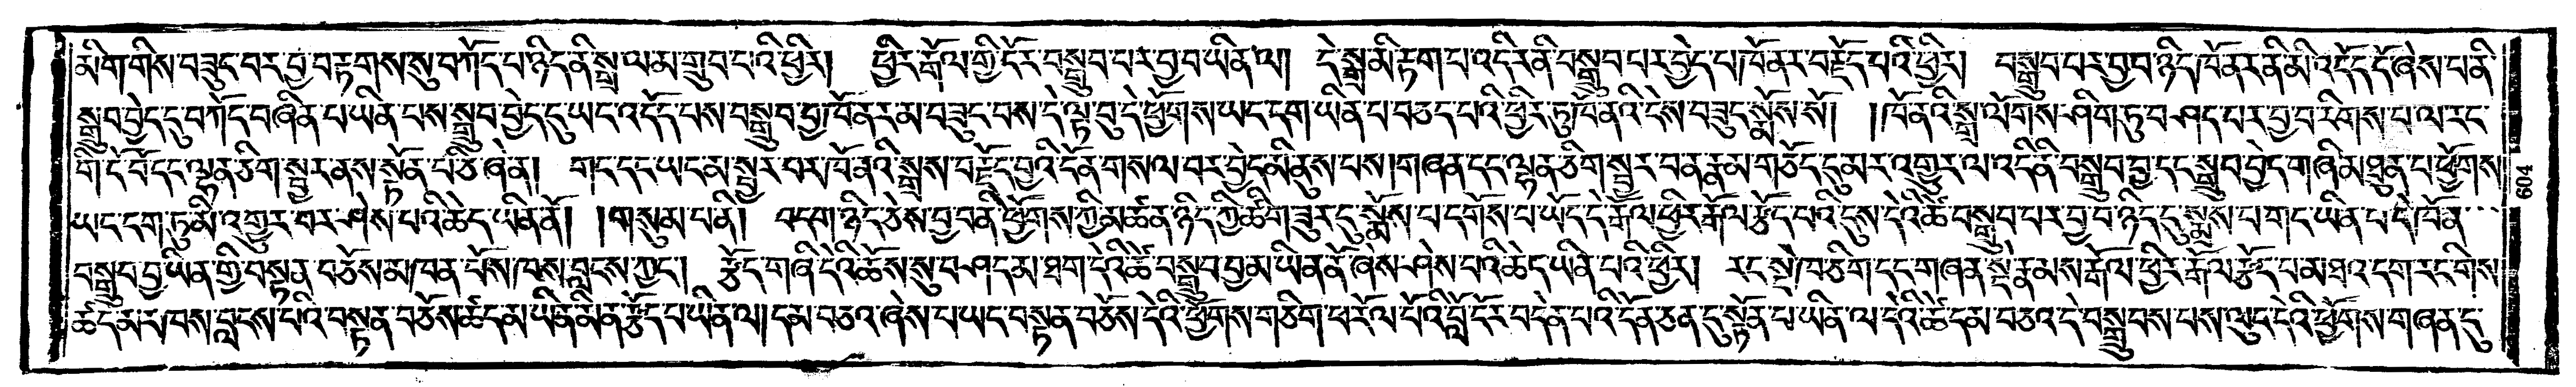མིག་གིས་བཟུང་བར་བྱ་བརྟགས་སུ་བཀོད་པ་ཉིད་ནི་སྒྲ་ལ་མ་གྲུབ་པའི་ཕྱིར། ཕྱིར་རྒོལ་གྱི་ངོར་བསྒྲུབ་པར་བྱ་བ་ཡིན་ལ། དེ་སྒྲ་མི་རྟག་པ་འདིར་ནི་བསྒྲུབ་པར་བྱེད་པ་ཁོ་ནར་བརྗོད་པའི་ཕྱིར། བསྒྲུབ་པར་བྱ་བ་ཉིད་ཁོ་ནར་ནི་མི་འདོད་དོ་ཞེས་པ་ནི་
སྒྲུབ་བྱེད་དུ་བཀོད་བཞིན་པ་ཡིན་པས་སྒྲུབ་བྱེད་དུ་ཡང་འདོད་པས་བསྒྲུབ་བྱ་ཁོ་ནར་མ་བཟུང་བས་དེ་ལྟ་བུ་དེ་ཕྱོགས་ཡང་དག་ཡིན་པ་བཅད་པའི་ཕྱིར་ཏུ་ཁོ་ནའི་ངེས་བཟུང་སྨོས་སོ། །ཁོ་ནའི་སྒྲ་ལོགས་ཤིག་ཏུ་བཤད་པར་བྱ་བ་རིགས་པ་ལ་རང་
གི་ངོ་བོ་དང་ལྷན་ཅིག་སྦྱར་ནས་སྟོན་པ་ཅི་ཞེ་ན། གང་དང་ཡང་མ་སྤྱར་བར་ཁོ་ནའི་སྒྲས་བརྗོད་བྱའི་དོན་གསལ་བར་བྱེད་མི་ནུས་པས། གཞན་དང་ལྷན་ཅིག་སྦྱར་བས་ན་རྣམ་གཅོད་དུ་མར་འགྱུར་ལ་འདི་ནི་བསྒྲུབ་བྱ་དང་སྒྲུབ་བྱེད་གཞི་མཐུན་པ་ཕྱོགས་
ཡང་དག་ཏུ་མི་འགྱུར་བར་ཤེས་པའི་ཆེད་ཡིན་ནོ། །གསུམ་པ་ནི། བདག་ཉིད་ཅེས་བྱ་བ་ནི་ཕྱོགས་ཀྱི་མཚན་ཉིད་ཀྱི་ཚིག་ཟུར་དུ་སྨོས་པ་དགོས་པ་ཡོད་དེ་རྒོལ་ཕྱིར་རྒོལ་རྩོད་པའི་དུས་དེའི་ཚེ་བསྒྲུབ་པར་བྱ་བ་ཉིད་དུ་སྨྲས་པ་གང་ཡིན་པ་དེ་ཁོ་ན་
བསྒྲུབ་བྱ་ཡིན་གྱི་བསྟན་བཅོས་མཁན་པོས་ཁས་བླངས་ཀྱང་། རྩོད་གཞི་དེའི་ཆོས་སུ་བཤད་མ་ཐག་དེའི་ཚེ་བསྒྲུབ་བྱ་མ་ཡིན་ནོ་ཞེས་ཤེས་པའི་ཆེད་ཡིན་པའི་ཕྱིར། རང་སྡེ་ཁ་ཅིག་དང་གཞན་སྡེ་རྣམས་རྒོལ་ཕྱིར་རྒོལ་རྩོད་པ་མཐའ་དག་རང་གིས་
ཚད་མར་ཁས་བླངས་པའི་བསྟན་བཅོས་ཚད་མ་ཡིན་མིན་རྩོད་པ་ཡིན་ལ། དམ་བཅའ་ཞེས་པ་ཡང་བསྟན་བཅོས་དེའི་ཕྱོགས་གཅིག་ཕ་རོལ་པོའི་བློ་ངོར་བདེན་པའི་དོན་ཅན་དུ་སྟོན་པ་ཡིན་ལ་དེའི་ཚེ་དམ་བཅའ་དེ་བསྒྲུབས་པས་ལུང་དེའི་ཕྱོགས་གཞན་དུ་